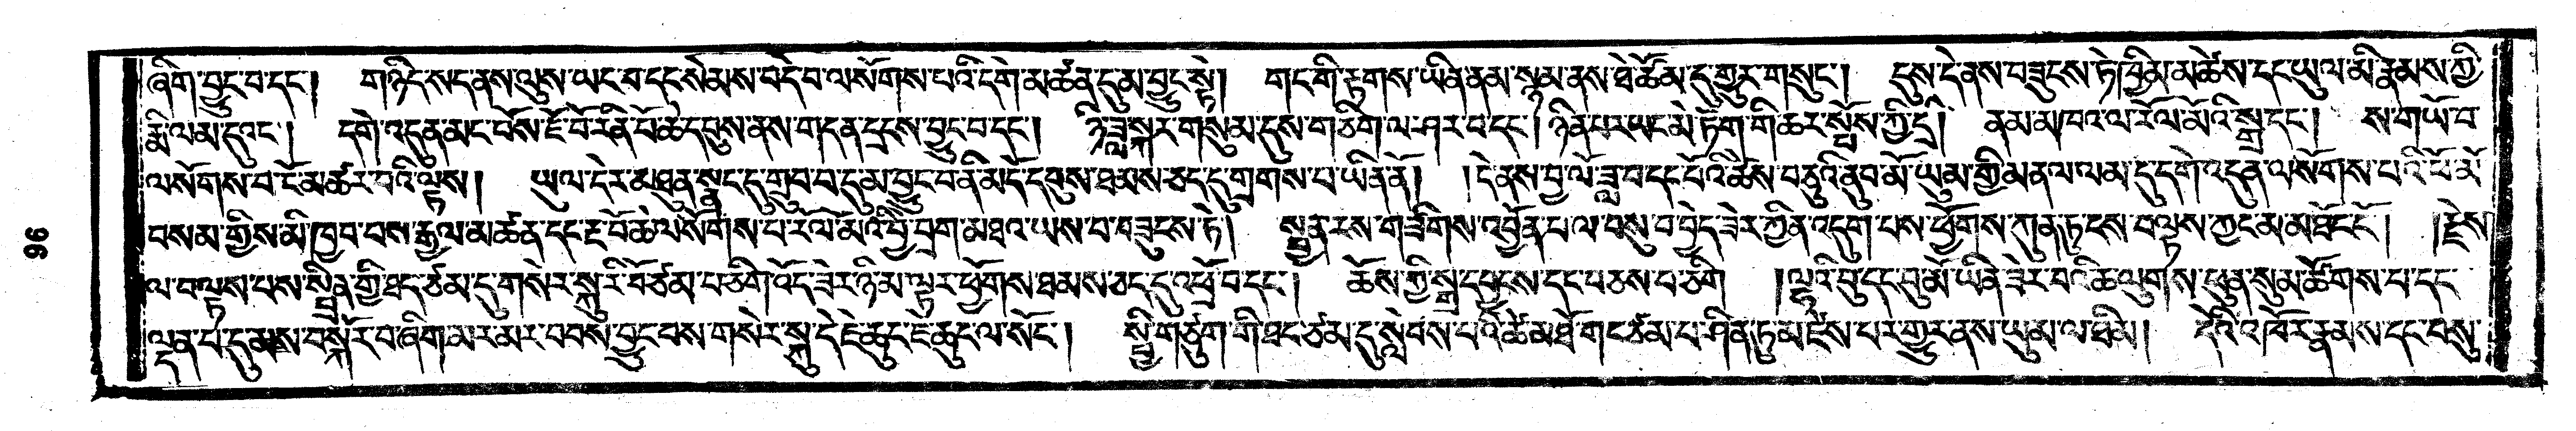ཞིག་བྱུང་བ་དང་། གཉིད་སད་ནས་ལུས་ཡང་བ་དང་སེམས་བདེ་བ་ལ་སོགས་པའི་དགེ་མཚན་དུ་མ་བྱུང་སྟེ། གང་གི་རྟགས་ཡིན་ནམ་སྙམ་ནས་ཐེ་ཚོམ་དུ་གྱུར་གསུང་། དུས་དེ་ནས་བཟུངས་ཏེ་ཁྱིམ་མཚེས་དང་ཡུལ་མི་རྣམས་ཀྱི་
རྨི་ལམ་དུའང་། དགེ་འདུན་མང་པོས་ཇོ་བོ་རིན་པོ་ཆེ་དབུས་ནས་གདན་དྲངས་བྱུང་བ་དང་། ཉི་ཟླ་སྐར་གསུམ་དུས་གཅིག་ལ་ཤར་བ་དང་། ཉིན་པར་ཡང་མེ་ཏོག་གི་ཆར་སྦོས་ཀྱི་དྲི། ནམ་མཁའ་ལ་རོལ་མོའི་སྒྲ་དང་། ས་གཡོ་བ་
ལ་སོགས་པ་ངོ་མཚར་བའི་ལྟས། ཡུལ་དེར་མཐུན་སྣང་དུ་གྲུབ་བ་དུ་མ་བྱུང་བ་ནི་མདོ་དབུས་ཐམས་ཅད་དུ་གྲགས་པ་ཡིན་ནོ། །དེ་ནས་བྱ་ལོ་ཟླ་བ་དང་པོའི་ཚེས་བཅུའི་ནུབ་མོ་ཡུམ་གྱི་མནལ་ལམ་དུ་དགེ་འདུན་ལ་སོགས་པའི་ཕོ་མོ་
བསམ་གྱིས་མི་ཁྱབ་བས་རྒྱལ་མཚན་དང་རྔ་བོ་ཆེ་ལ་སོགས་པ་རོལ་མོའི་བྱེ་བྲག་མཐའ་ཡས་བ་བཟུངས་ཏེ། སྤྱན་རས་གཟིགས་འབྱོན་པ་ལ་བསུ་བ་བྱེད་ཟེར་ཀྱིན་འདུག་པས་ཕྱོགས་ཀུན་ཏུ་ངས་བལྟས་ཀྱང་མ་མཐོང་ངོ། །རྗེས་
ལ་བལྟས་པས་སྤྲིན་གྱི་ཐད་ཙམ་དུ་གསེར་སྐུ་རི་བོ་ཙམ་པ་ཅིག་འོད་ཟེར་ཉི་མ་ལྟར་ཕྱོགས་ཐམས་ཅད་དུ་འཕྲོ་བ་དང་། ཆོས་ཀྱི་སྒྲ་དབྱངས་དང་བཅས་པ་ཅིག །ལྷའི་བུ་དང་བུ་མོ་ཡིན་ཟེར་བའི་ཆ་ལུགས་ཕུན་སུམ་ཚོགས་པ་དང་
ལྡན་པ་དུ་མས་བསྐོར་བ་ཞིག་མར་མར་བབས་བྱུང་བས་གསེར་སྐུ་དེ་ཇེ་ཆུང་ཇེ་ཆུང་ལ་སོང་། སྤྱི་གཙུག་གི་ཐང་ཙམ་དུ་སླེབས་པའི་ཚེ་མཐོ་གང་ཙམ་པ་ཤིན་ཏུ་མཛེས་པར་གྱུར་ནས་ཡུམ་ལ་ཐིམ། དེའི་འཁོར་རྣམས་དང་བསུ་